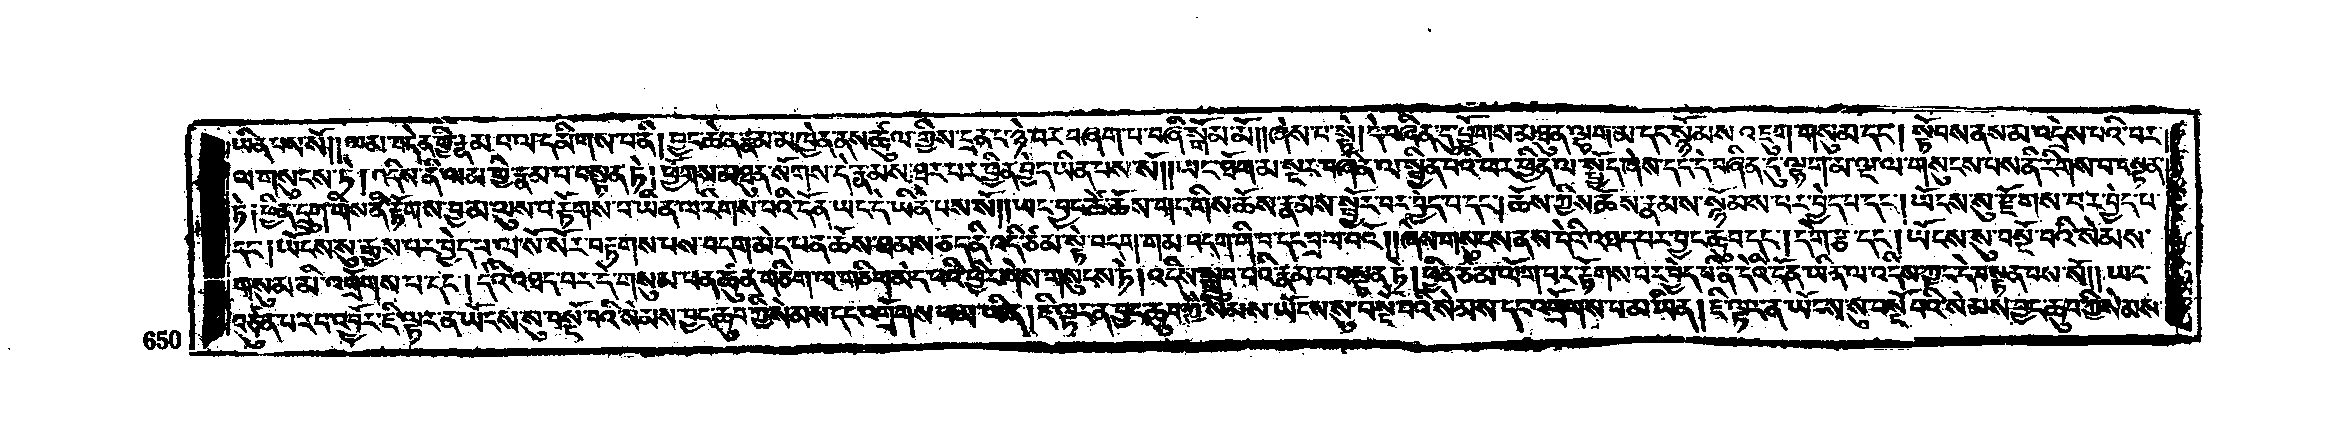ཡིན་པས་སོ། །ལམ་བདེན་གྱི་རྣམ་པ་ལ་དམིགས་པ་ནི། བྱང་ཆེན་རྣམ་མཁྱེན་ནས་ཚུལ་གྱིས་དྲན་པ་ཉེ་བར་བཞག་པ་བཞི་སྒོམ་མོ། །ཞེས་པ་སྟེ། དེ་བཞིན་དུ་ཕྱོགས་མཐུན་ལྷག་མ་དང་སྙོམས་འཇུག་གསུམ་དང་། སྟོབས་ནས་མ་འདྲེས་པའི་བར་
ལ་གསུངས་ཏེ། འདིས་ནི་ལམ་གྱི་རྣམ་པ་བསྟན་ཏེ། ཕྱོགས་མཐུན་སོགས་དེ་རྣམས་ཐར་པར་ཕྱིན་བྱེད་ཡིན་པས་སོ། །ཡང་ཐོག་མ་སྔར་བཞིན་ལ་སྦྱིན་པའི་ཕར་ཕྱིན་ལ་སྤྱོད་ཞེས་དང་དེ་བཞིན་དུ་ལྷག་མ་ལྔ་ལ་གསུངས་པས་ནི་རིགས་པ་བསྟན་
ཏེ། ཕྱིན་དྲུག་གིས་ནི་རྟོགས་བྱ་མ་ལུས་པ་རྟོགས་པ་ཡིན་ལ་རིགས་པའི་དོན་ཡང་དེ་ཡིན་པས་སོ། །ཡང་བྱང་ཚེ་ཆོས་གང་གིས་ཆོས་རྣམས་སྦྱོར་བར་བྱེད་པ་དང་། ཆོས་ཀྱིས་ཆོས་རྣམས་སྙོམས་པར་བྱེད་པ་དང་། ཡོངས་སུ་རྫོགས་པར་བྱེད་པ་
དང་། ཡོངས་སུ་རྒྱས་པར་བྱེད་པ་ལ་སོ་སོར་བརྟགས་པས་བདག་མེད་པ་ན་ཆོས་ཐམས་ཅད་ནི་འདི་ཙམ་སྟེ་བ་དང་། གམ་བདག་གི་བ་དང་བྲལ་བའོ། །ཞེས་གསུངས་ནས་དེའི་འཐད་པར་བྱང་ཆུབ་དང་། དགེ་རྩ་དང་། ཡོངས་སུ་བསྔོ་བའི་སེམས་
གསུམ་མི་འགྲོགས་པ་དང་། དེའི་འཐད་པར་དེ་གསུམ་ཕན་ཚུན་གཅིག་ལ་གཅིག་མེད་པའི་ཕྱིར་ཞེས་གསུངས་ཏེ། འདིས་སྒྲུབ་པའི་རྣམ་པ་བསྟན་ཏེ། ཕྱིན་ཅི་མ་ལོག་པར་རྟོགས་པར་བྱེད་པ་ནི་དེའི་དོན་ཡིན་ལ་འདིས་ཀྱང་དེ་བསྟན་པས་སོ། །ཡང་
བཙུན་པ་རབ་འབྱོར་ཇི་ལྟར་ན་ཡོངས་སུ་བསྔོ་བའི་སེམས་བྱང་ཆུབ་ཀྱི་སེམས་དང་འགྲོགས་པ་མ་ཡིན། ཇི་ལྟར་ན་བྱང་ཆུབ་ཀྱི་སེམས་ཡོངས་སུ་བསྔོ་བའི་སེམས་དང་འགྲོགས་པ་མ་ཡིན། ཇི་ལྟར་ན་ཡོངས་སུ་བསྔོ་བའི་སེམས་བྱང་ཆུབ་ཀྱི་སེམས་